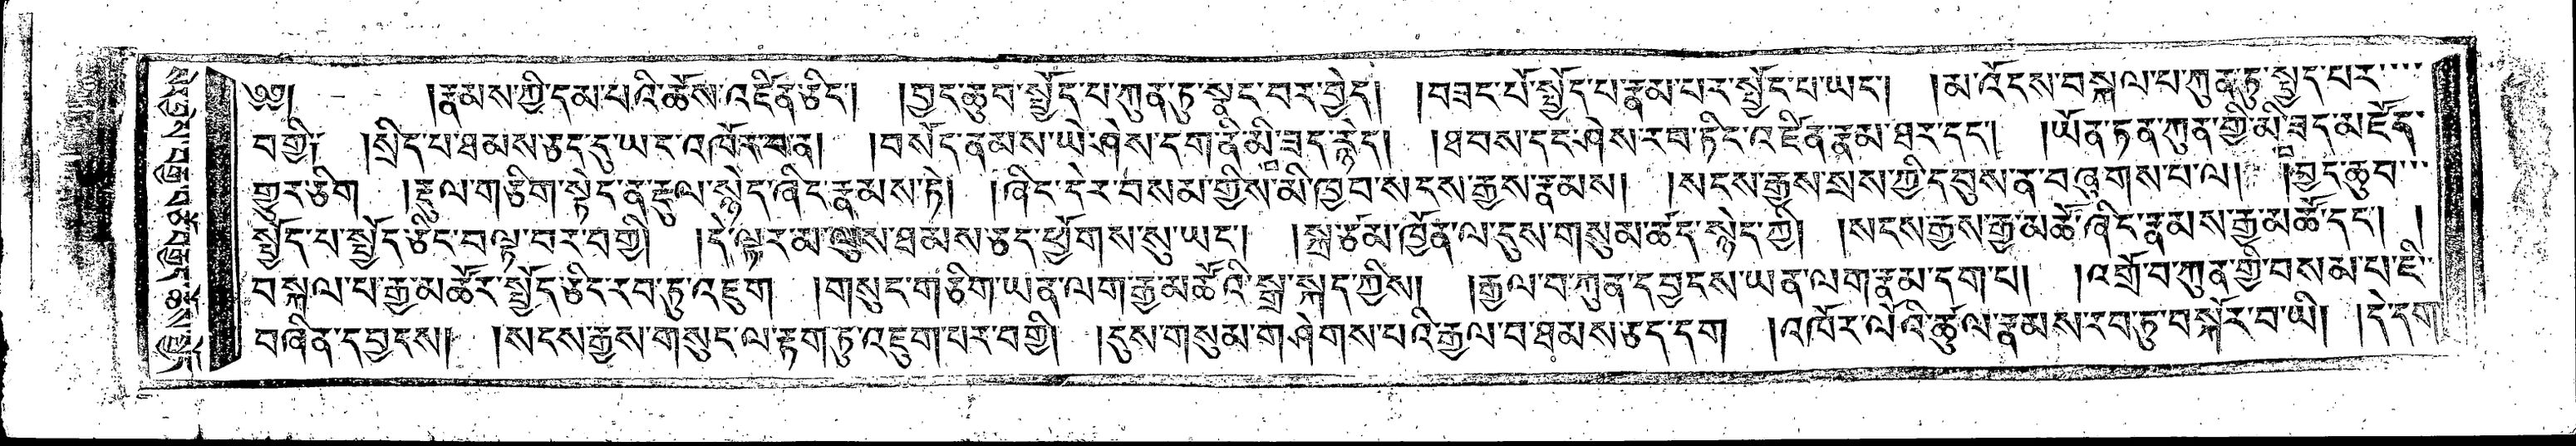༄༅། །རྣམས་ཀྱི་དམ་པའི་ཆོས་འཛིན་ཅིང་། །བྱང་ཆུབ་སྤྱོད་པ་ཀུན་ཏུ་སྣང་བར་བྱེད། །བཟང་པོ་སྤྱོད་པ་རྣམ་པར་སྤྱོད་པ་ཡང་། །མ་འོངས་བསྐལ་པ་ཀུན་ཏུ་སྤྱད་པར་
བགྱི༑ །སྲིད་པ་ཐམས་ཅད་དུ་ཡང་འཁོར་བ་ན། །བསོད་ནམས་ཡེ་ཤེས་དག་ནི་མི་བཟད་རྙེད། །ཐབས་དང་ཤེས་རབ་ཏིང་འཛིན་རྣམ་ཐར་དང་། །ཡོན་ཏན་ཀུན་གྱི་མི་བཟད་མཛོད་
གྱུར་ཅིག །རྡུལ་གཅིག་སྟེང་ན་རྡུལ་སྙེད་ཞིང་རྣམས་ཏེ། །ཞིང་དེར་བསམ་གྱིས་མི་ཁྱབ་སངས་རྒྱས་རྣམས། །སངས་རྒྱས་སྲས་ཀྱི་དབུས་ན་བཞུགས་པ་ལ། །བྱང་ཆུབ་
སྤྱོད་པ་སྤྱོད་ཅིང་བལྟ་བར་བགྱི། །དེ་ལྟར་མ་ལུས་ཐམས་ཅད་ཕྱོགས་སུ་ཡང་། །སྐྲ་ཙམ་ཁྱོན་ལ་དུས་གསུམ་ཚད་སྙེད་ཀྱི། །སངས་རྒྱས་རྒྱ་མཚོ་ཞིང་རྣམས་རྒྱ་མཚོ་དང་། །
བསྐལ་པ་རྒྱ་མཚོར་སྤྱོད་ཅིང་རབ་ཏུ་འཇུག །གསུང་གཅིག་ཡན་ལག་རྒྱ་མཚོའི་སྒྲ་སྐད་ཀྱིས། །རྒྱལ་བ་ཀུན་དབྱངས་ཡན་ལག་རྣམ་དག་པ། །འགྲོ་བ་ཀུན་གྱི་བསམ་པ་ཇི་
བཞིན་དབྱངས། །སངས་རྒྱས་གསུང་ལ་རྟག་ཏུ་འཇུག་པར་བགྱི། །དུས་གསུམ་གཤེགས་པའི་རྒྱལ་བ་ཐམས་ཅད་དག །འཁོར་ལོའི་ཚུལ་རྣམས་རབ་ཏུ་བསྐོར་བ་ཡི། །དེ་དག་